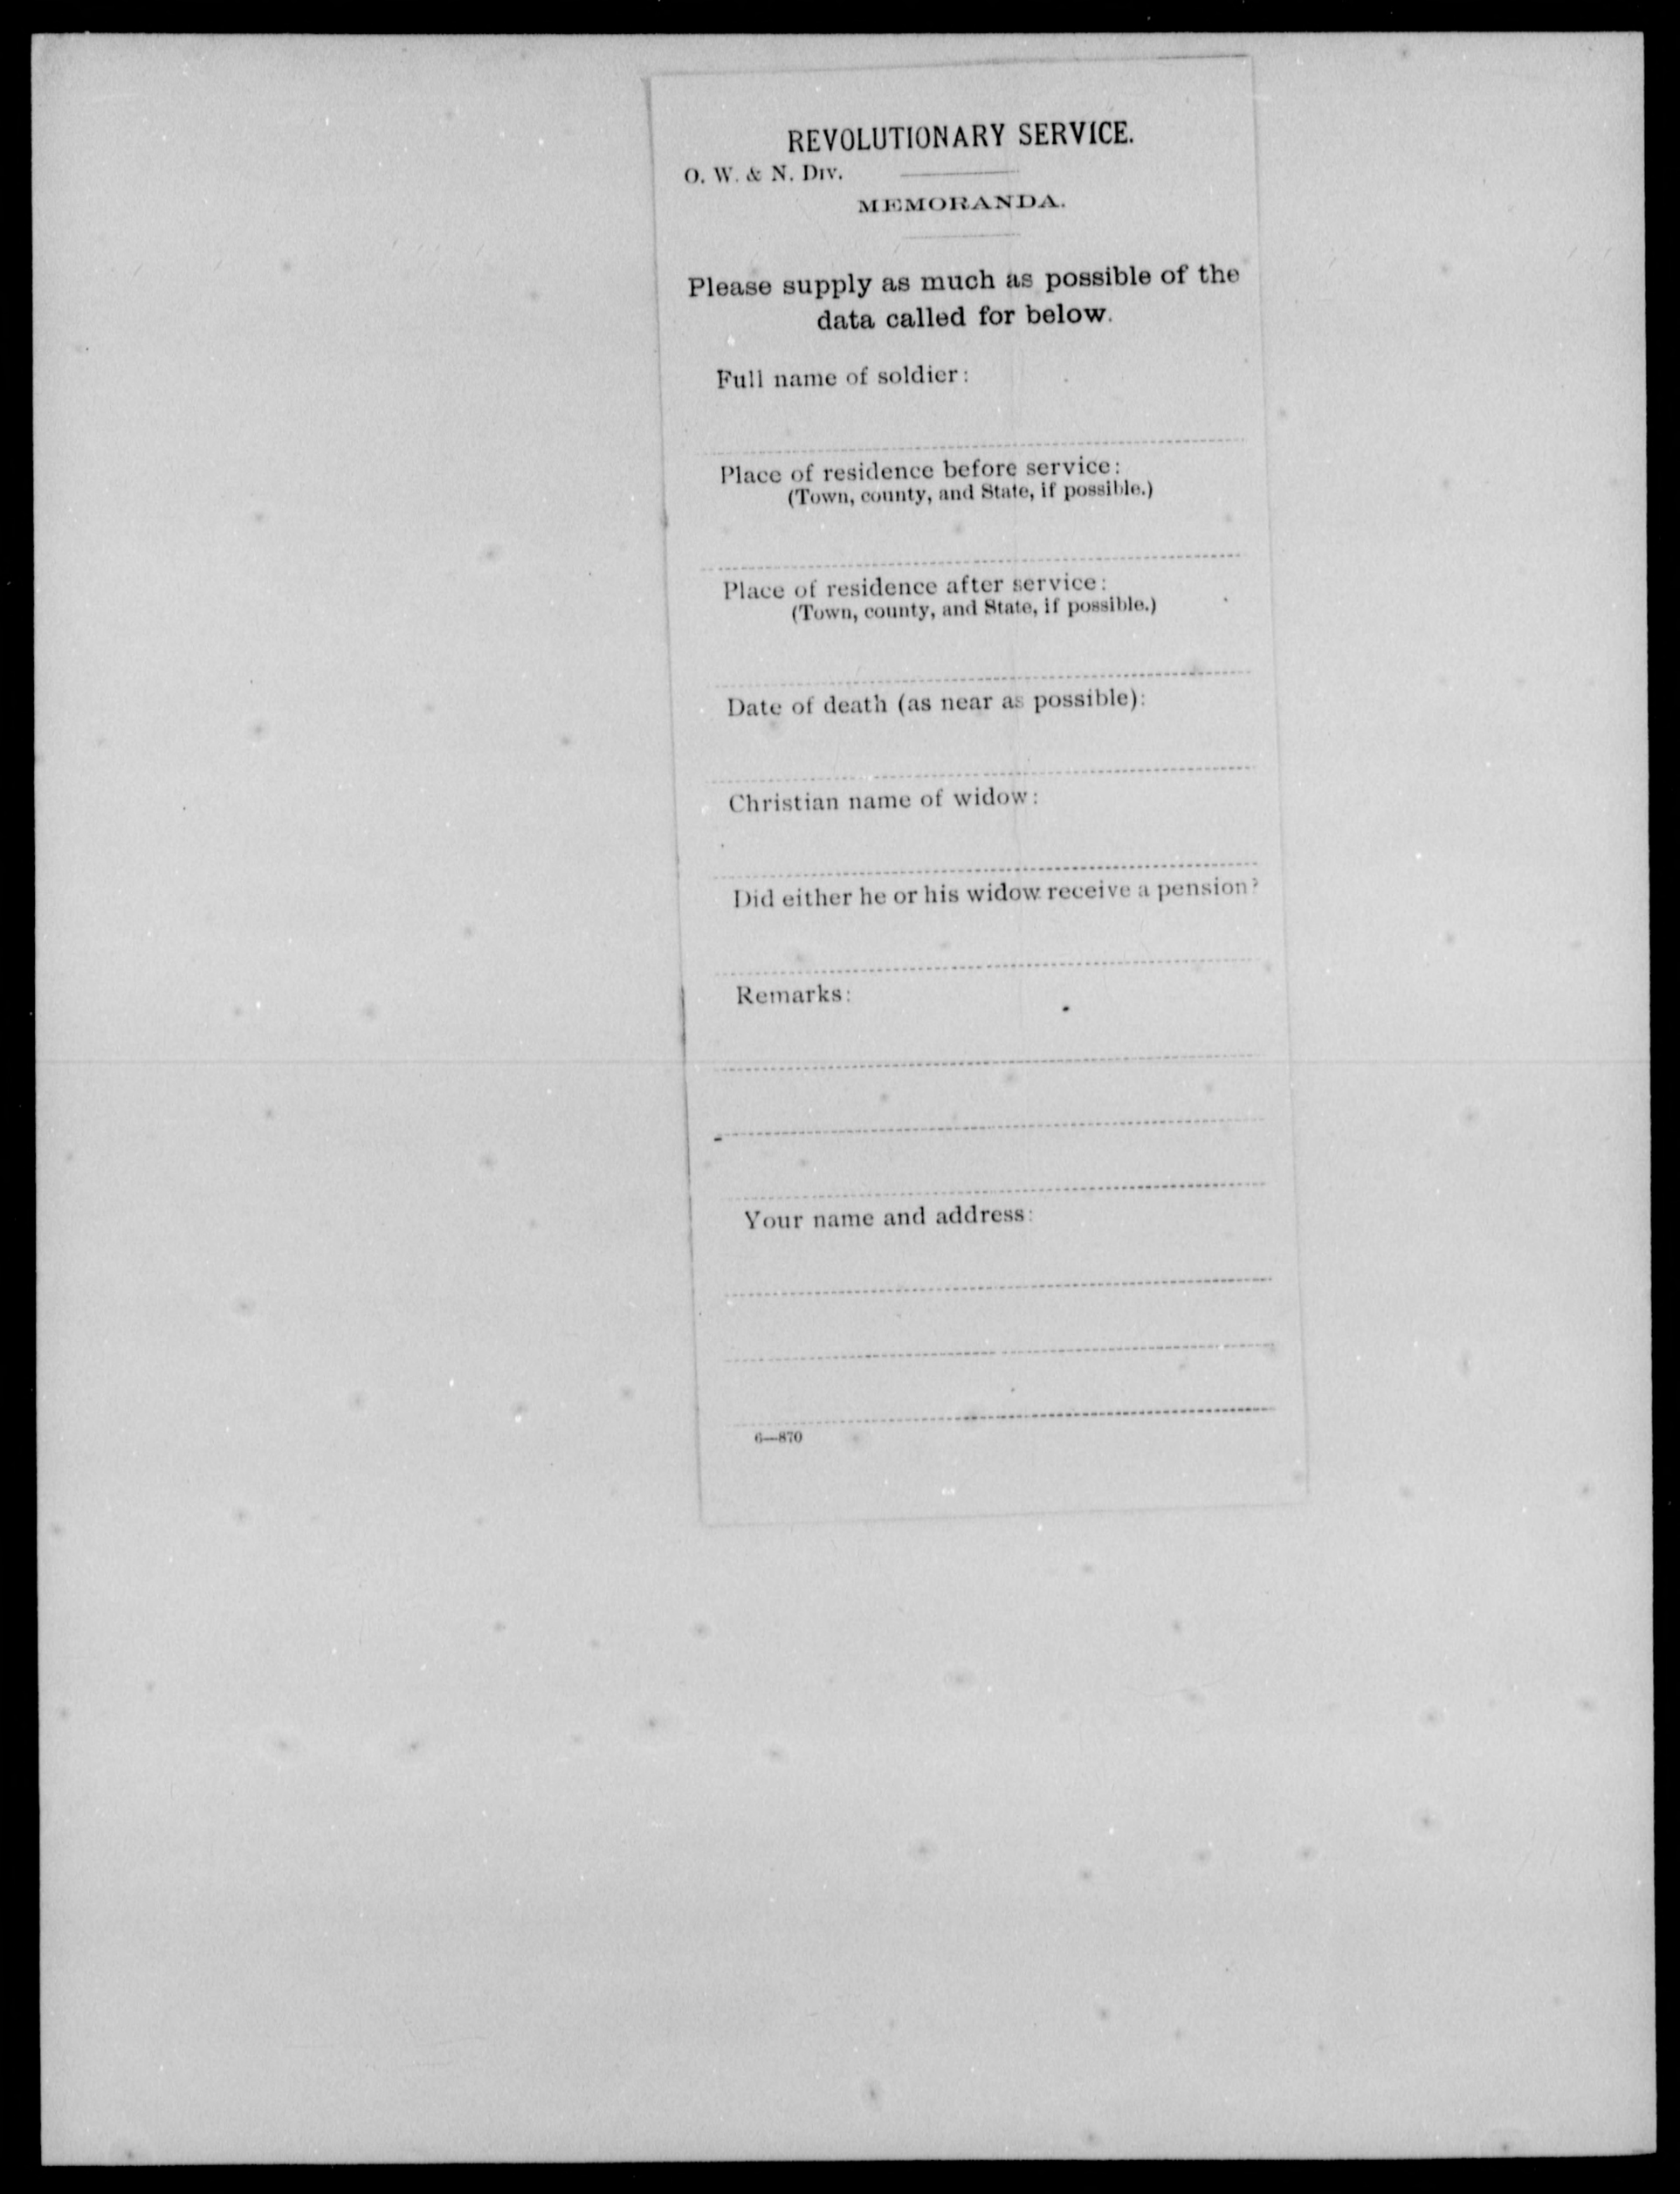(not filled out)

Revolutionary Service.
O.W.&N. Div.
Memoranda

Please supply as much as possible of the data called for below.

Full name of soldier: ------
Place of residence before service:
(Town, country, and State, if possible.)
-----------------
Place of residence after service:
(Town, country, and State, if possible.)
Date of death (as near as possible):-------

-----------------
Christian name of widow:----------
Did either he or his widow receive a pension?
-------------------------------
Remarks:-------
Your name and address:-------

6-870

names: [BLANK]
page: 15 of 20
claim: survivor's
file: S. 36,783, for George Sparling, New Jersey